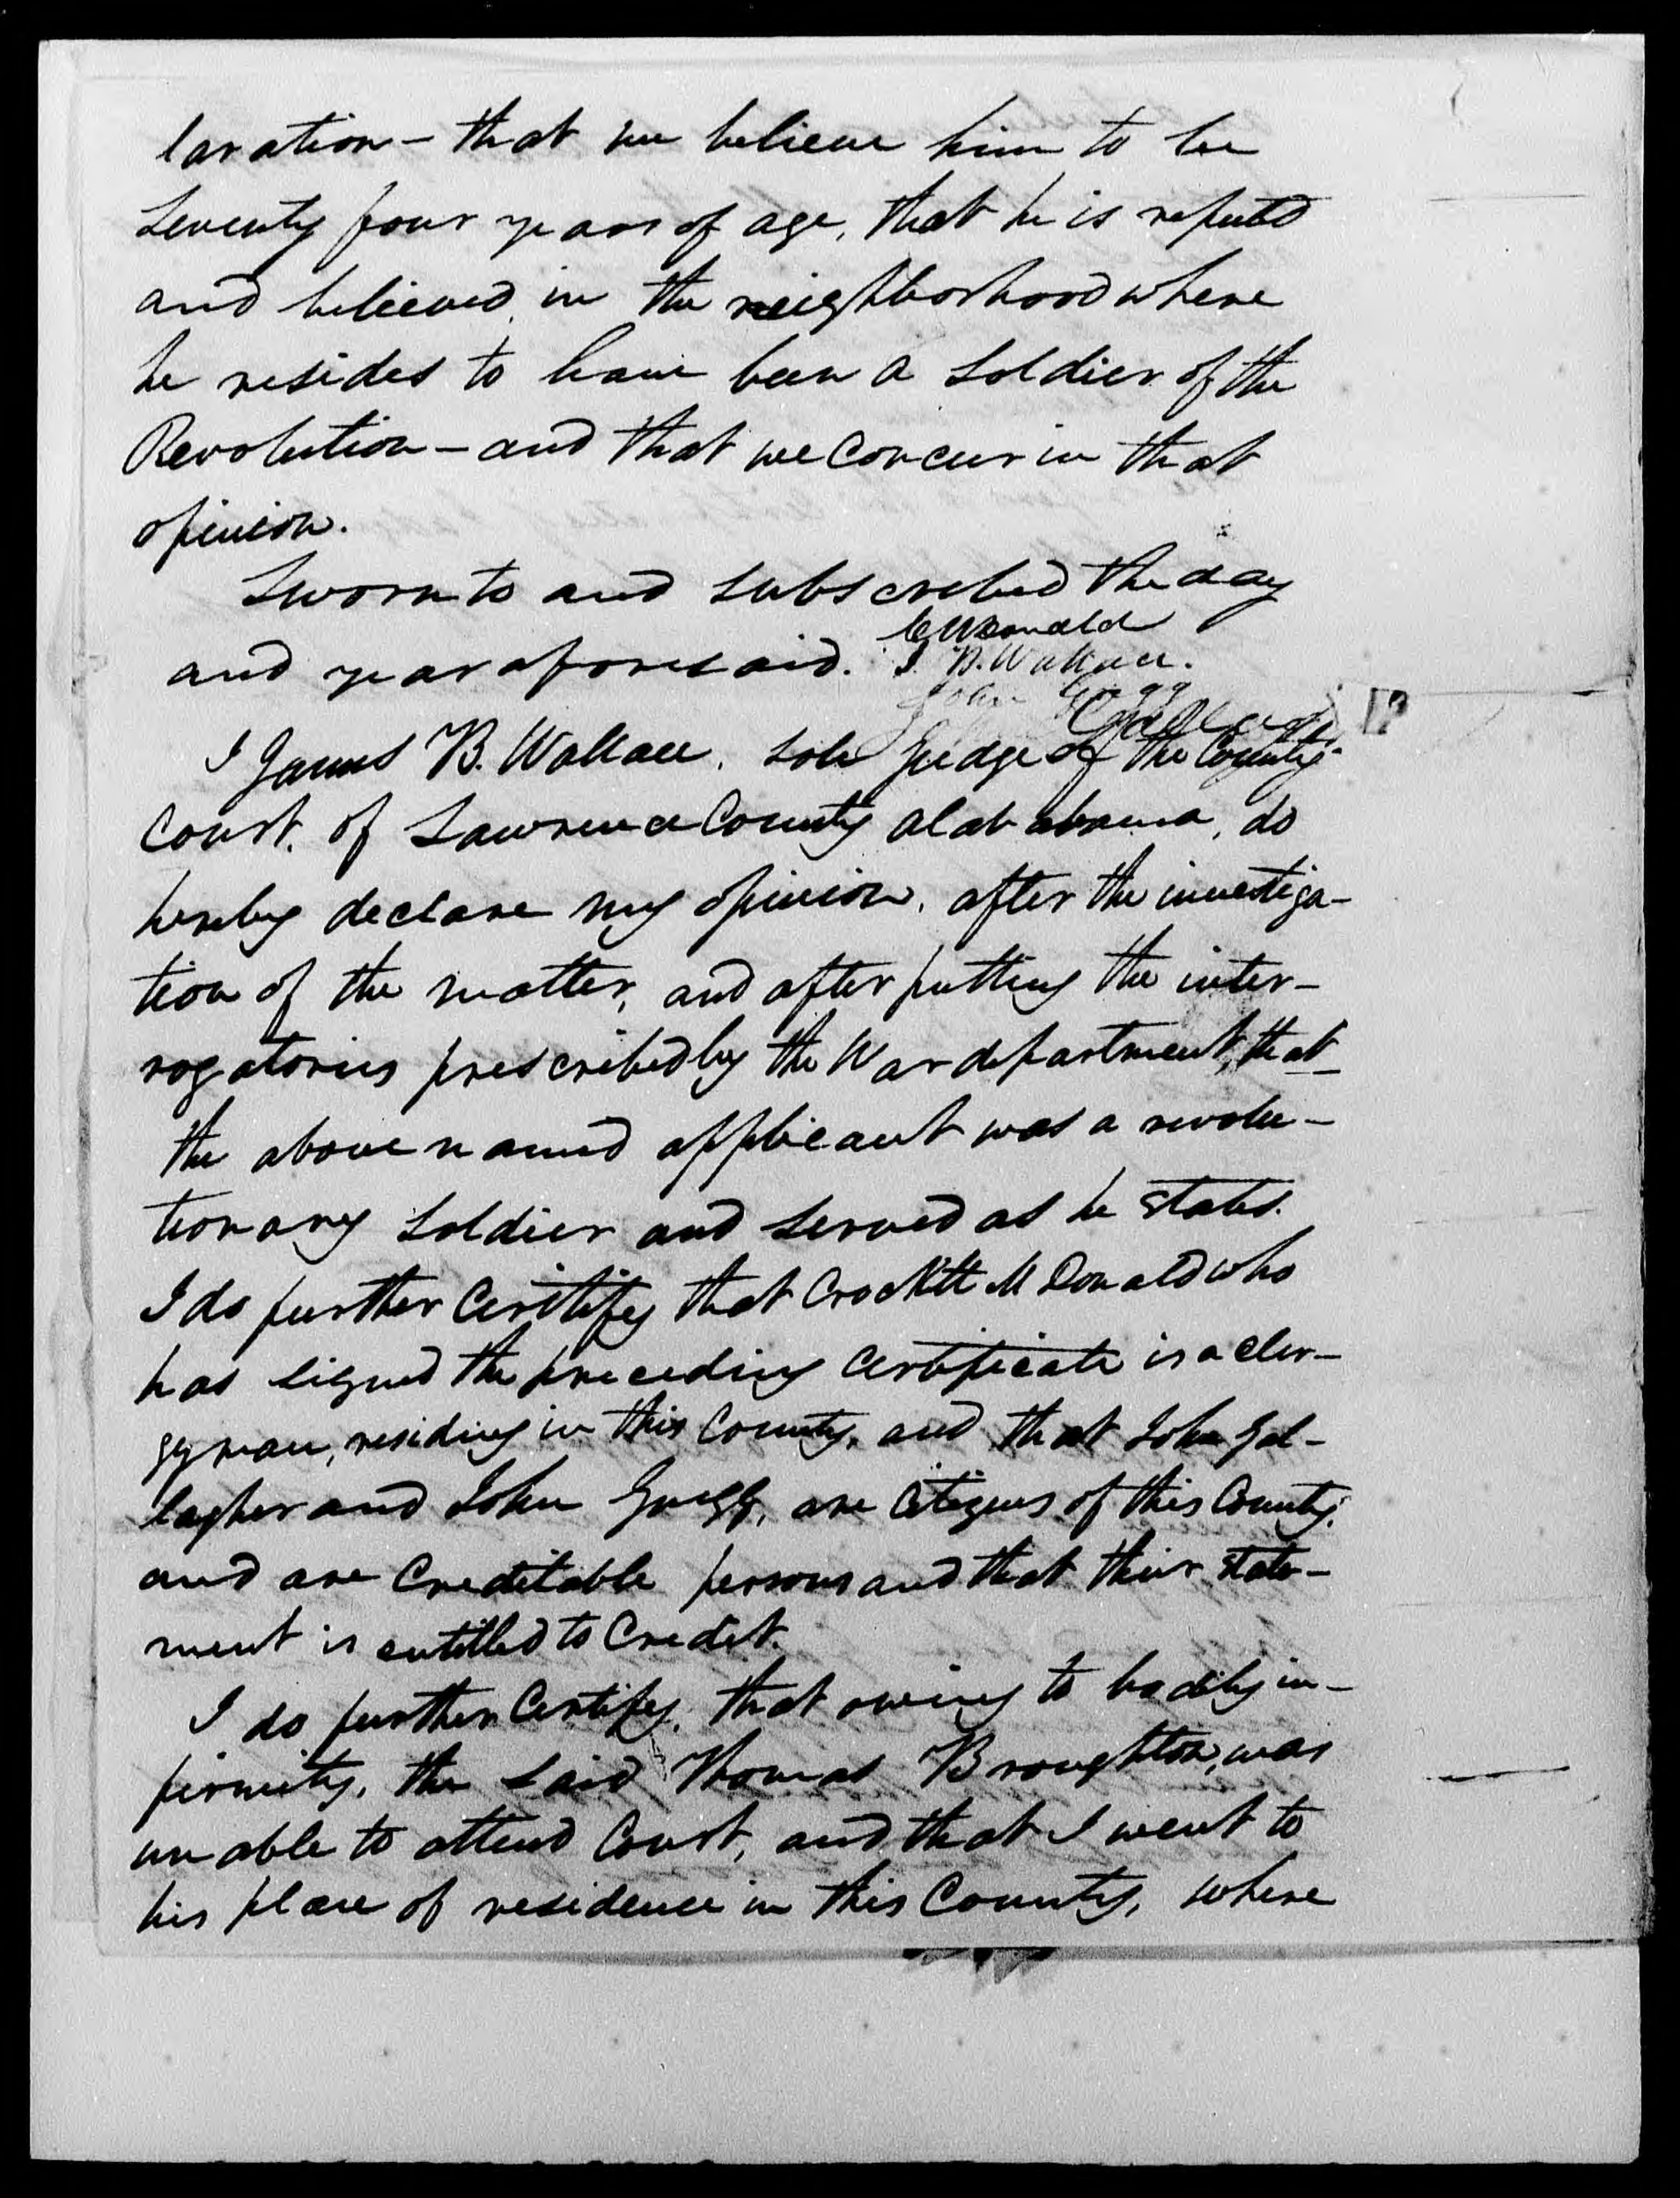claration that we believe him to be
Seventy four years of age, that he is reputed
and believed in the neighborhood where
he resides to have been a soldier of the
Revolution and that we concur in that
opinion.
Sworn to and subscribed
the day and year aforesaid.
C W Donald
J. B. Wallace
John Gregg
John Gallagher
I James B. Wallace, Sole Judge of the County
Court of Lawrence County Alababana do
hereby declare my opinion, after the investigation of the matter,
and after putting the interrogatories prescribed by the war department that the
above named applicant was a revolutionary soldier and served as he states
I do further certify that Crockett M Donald who
has signed the preceding certificate is a clergyman, residing in this County and that John Gallagher and John Gregg are citizens of this County.
and are creditable persons and that their
statement is entitled to credit
I do further certify that owing to bodily infirmity
, the said Thomas Broughton, was
unable to attend Court, and that I went to
his place of residence in this County, where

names: John Gregg, J B Wallace, Thomas Broughton, John Gregg, Crockett M Donald, C M Donald, James B Wallace, John Gallagher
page: 12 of 72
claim: widow's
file: W. 897, Thomas Broughton, S.C.